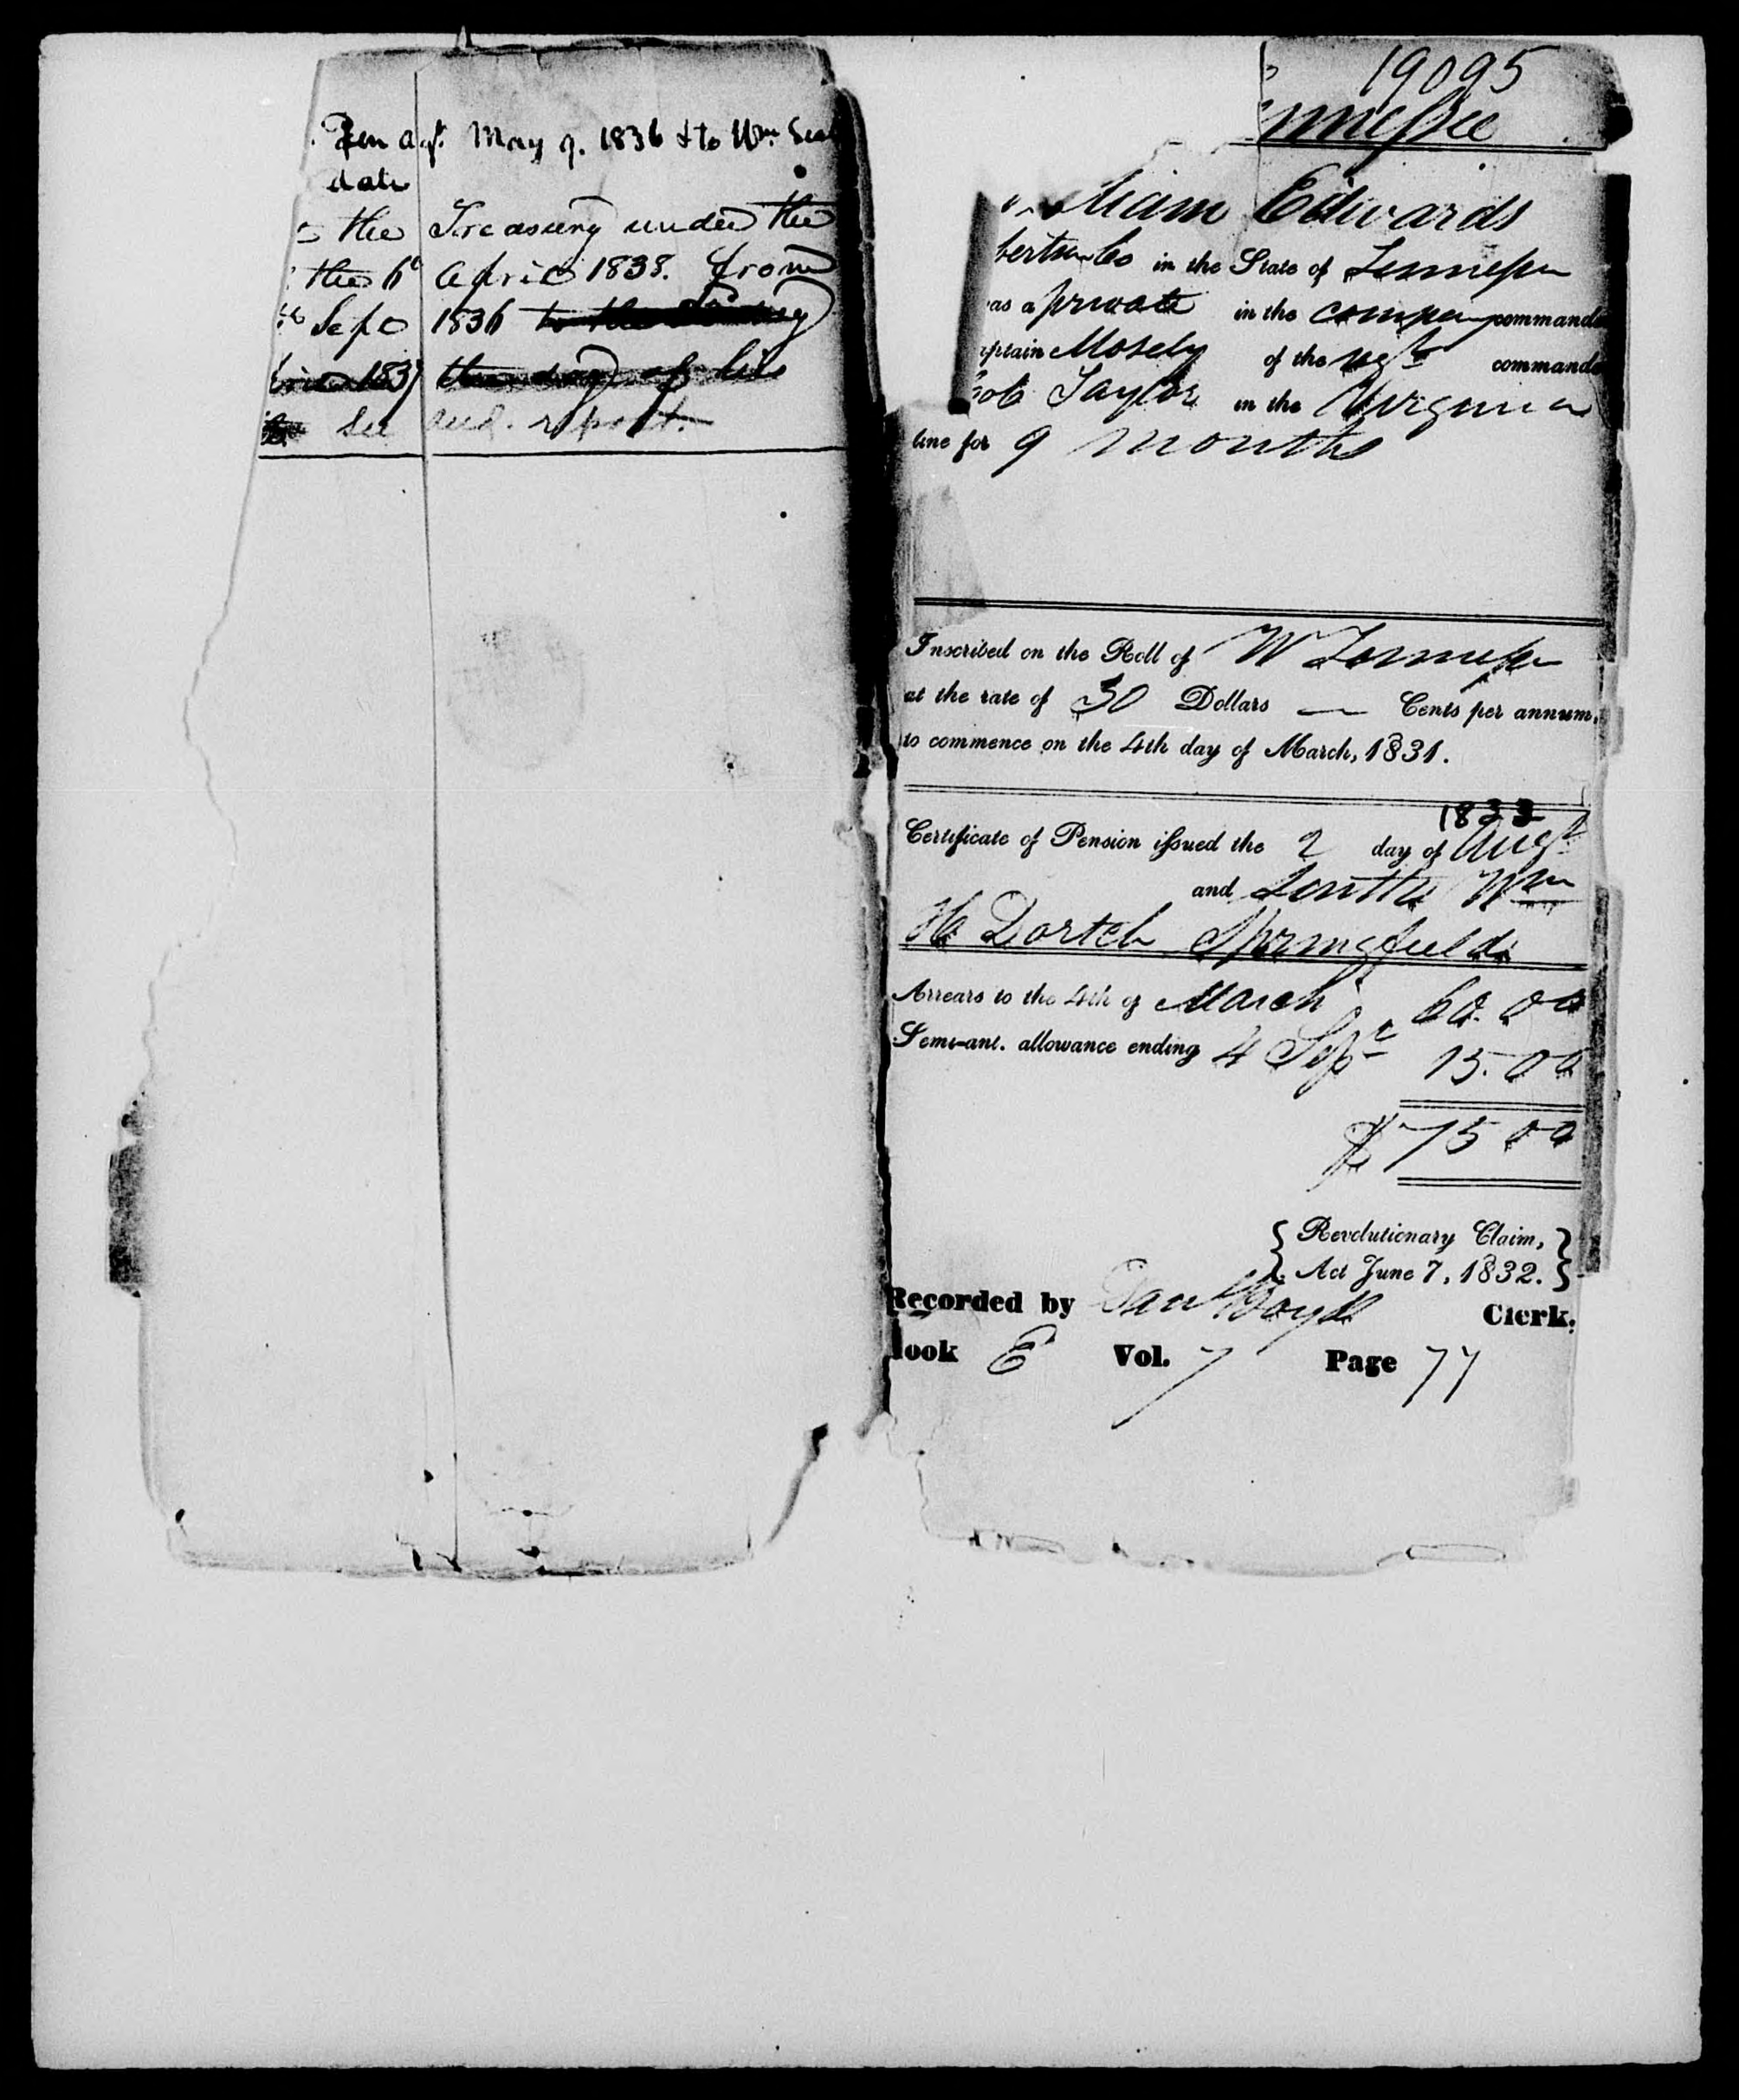Pen agt. May 9. 1836 & to Wm. Seal
date
the Treasury under the
the 6th April 1838. from
Sept 1836
See aud. report.

19095
Tennessee
William Edwards
berton Co in the State of Tennessee
was a private in the company commanded
Captain Mosely of the regt commanded
Col Taylor in the Virginia line for 9 months

Inscribed on the Roll of W Tennessee
at the rate of 30 Dollars ~ Cents per annum, to commence on the 4th day of March, 1831.

Certificate of Pension issued the 2 day of Augt 1833
and Sent to Wm H Dortch Springfield

Arrears to the 4th of March 60.00
Semi-anl. allowance ending 4 Sept 15.00
$75.00
{Revolutionary Claim, Act June 7, 1832.}
Recorded by Danl Boyd Clerk,
Book E Vol. 7 Page 77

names: Mosely, Danl Boyd, Wm Leal, Wm H Dortch, Taylor, William Edwards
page: 2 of 47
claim: survivor's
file: S. 3,322, William Edwards, Va.